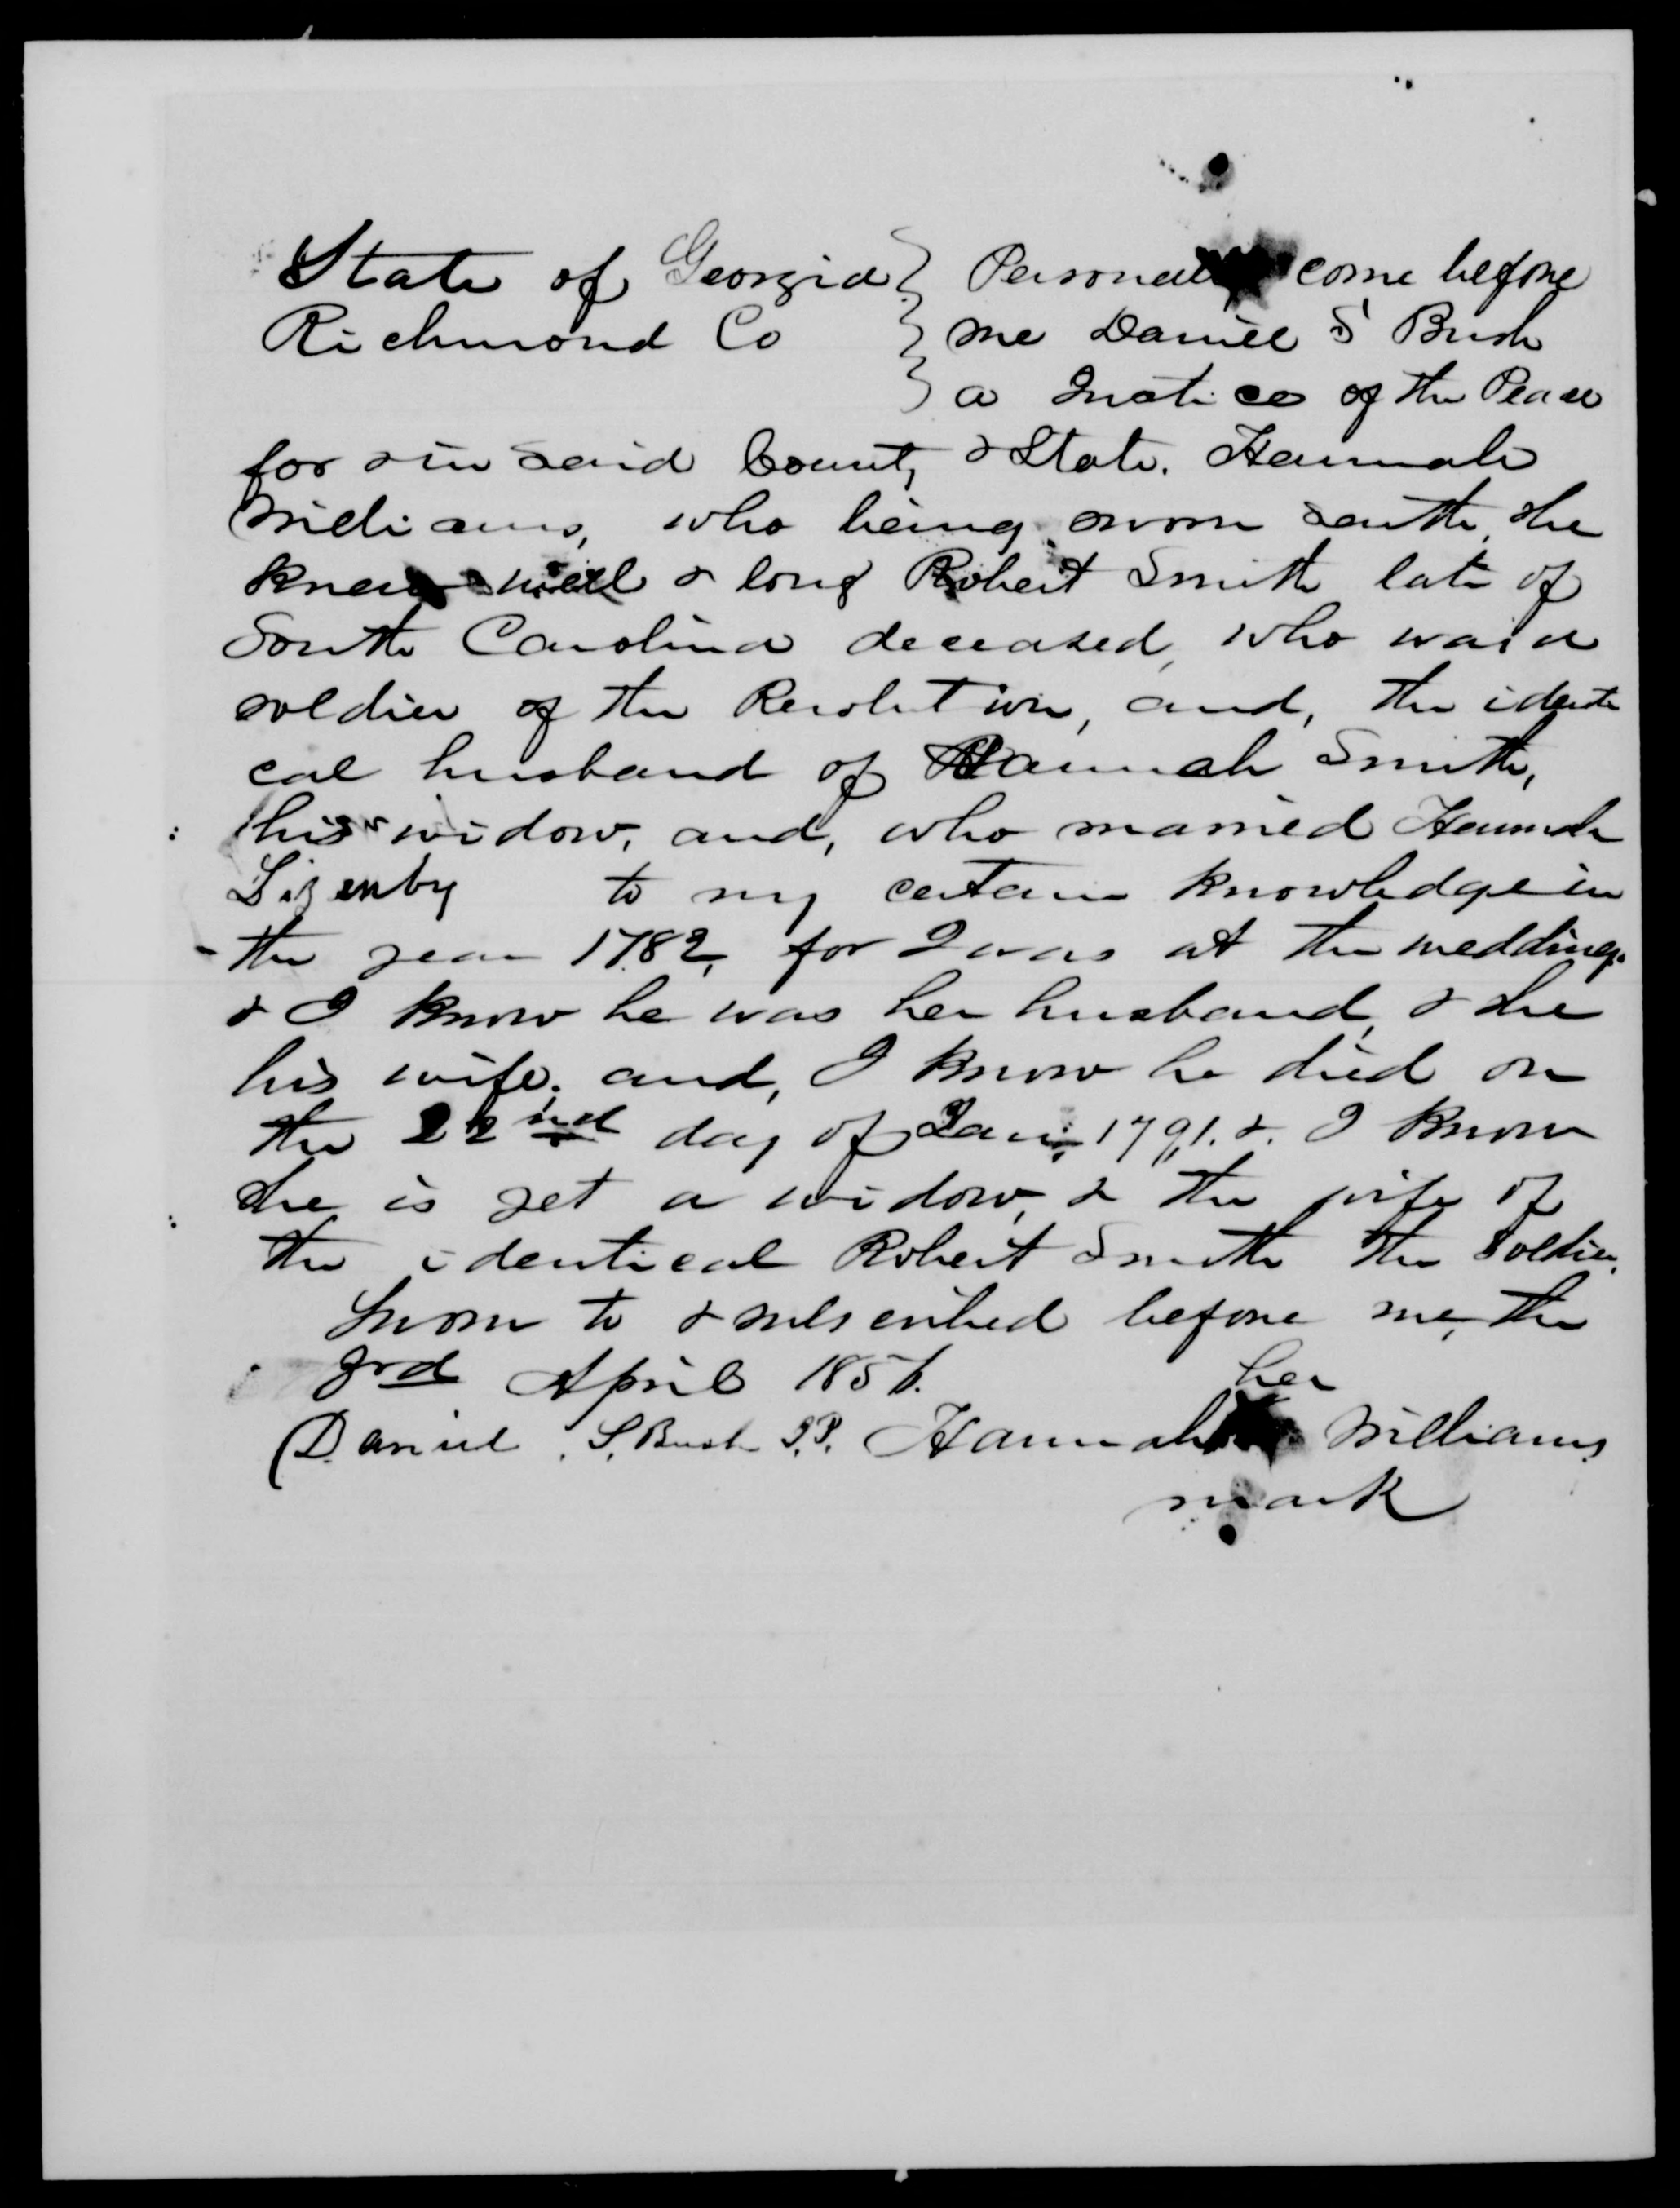State of Georgia
Richmond Co
Personally come before
me Daniel S Bush
a Justice of the Peace
for our said County & State. Hannah
Williams who being sworn saith she
knew well & long Robert Smith late of 
South Carolina deceased, who was a 
Soldier of the Revolution, and, the identical
husband of Hannah Smith,
his widow, and, who married Hannah
Lizenby to my certain knowledge in
the year 1782, for I was at the wedding.
I know he was her husband & she 
his wife, and, I know he died on
the 22nd day if Jan 1791. I know
she is [illegible) a widow and the wife of
the identical Robert Smith the Soldier 
Sworn to & subscribed before me, this
3rd April 1856.
Daniel S Bush    Hannah Williams x her mark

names: Daniel S Bush; Hannah Williams; Daniel S Bush; Hannah Smith; Robert Smith; Hannah Lizenby; Robert Smith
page: 27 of 28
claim: rejected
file: R. 9744, for Robert Smith, South Carolina